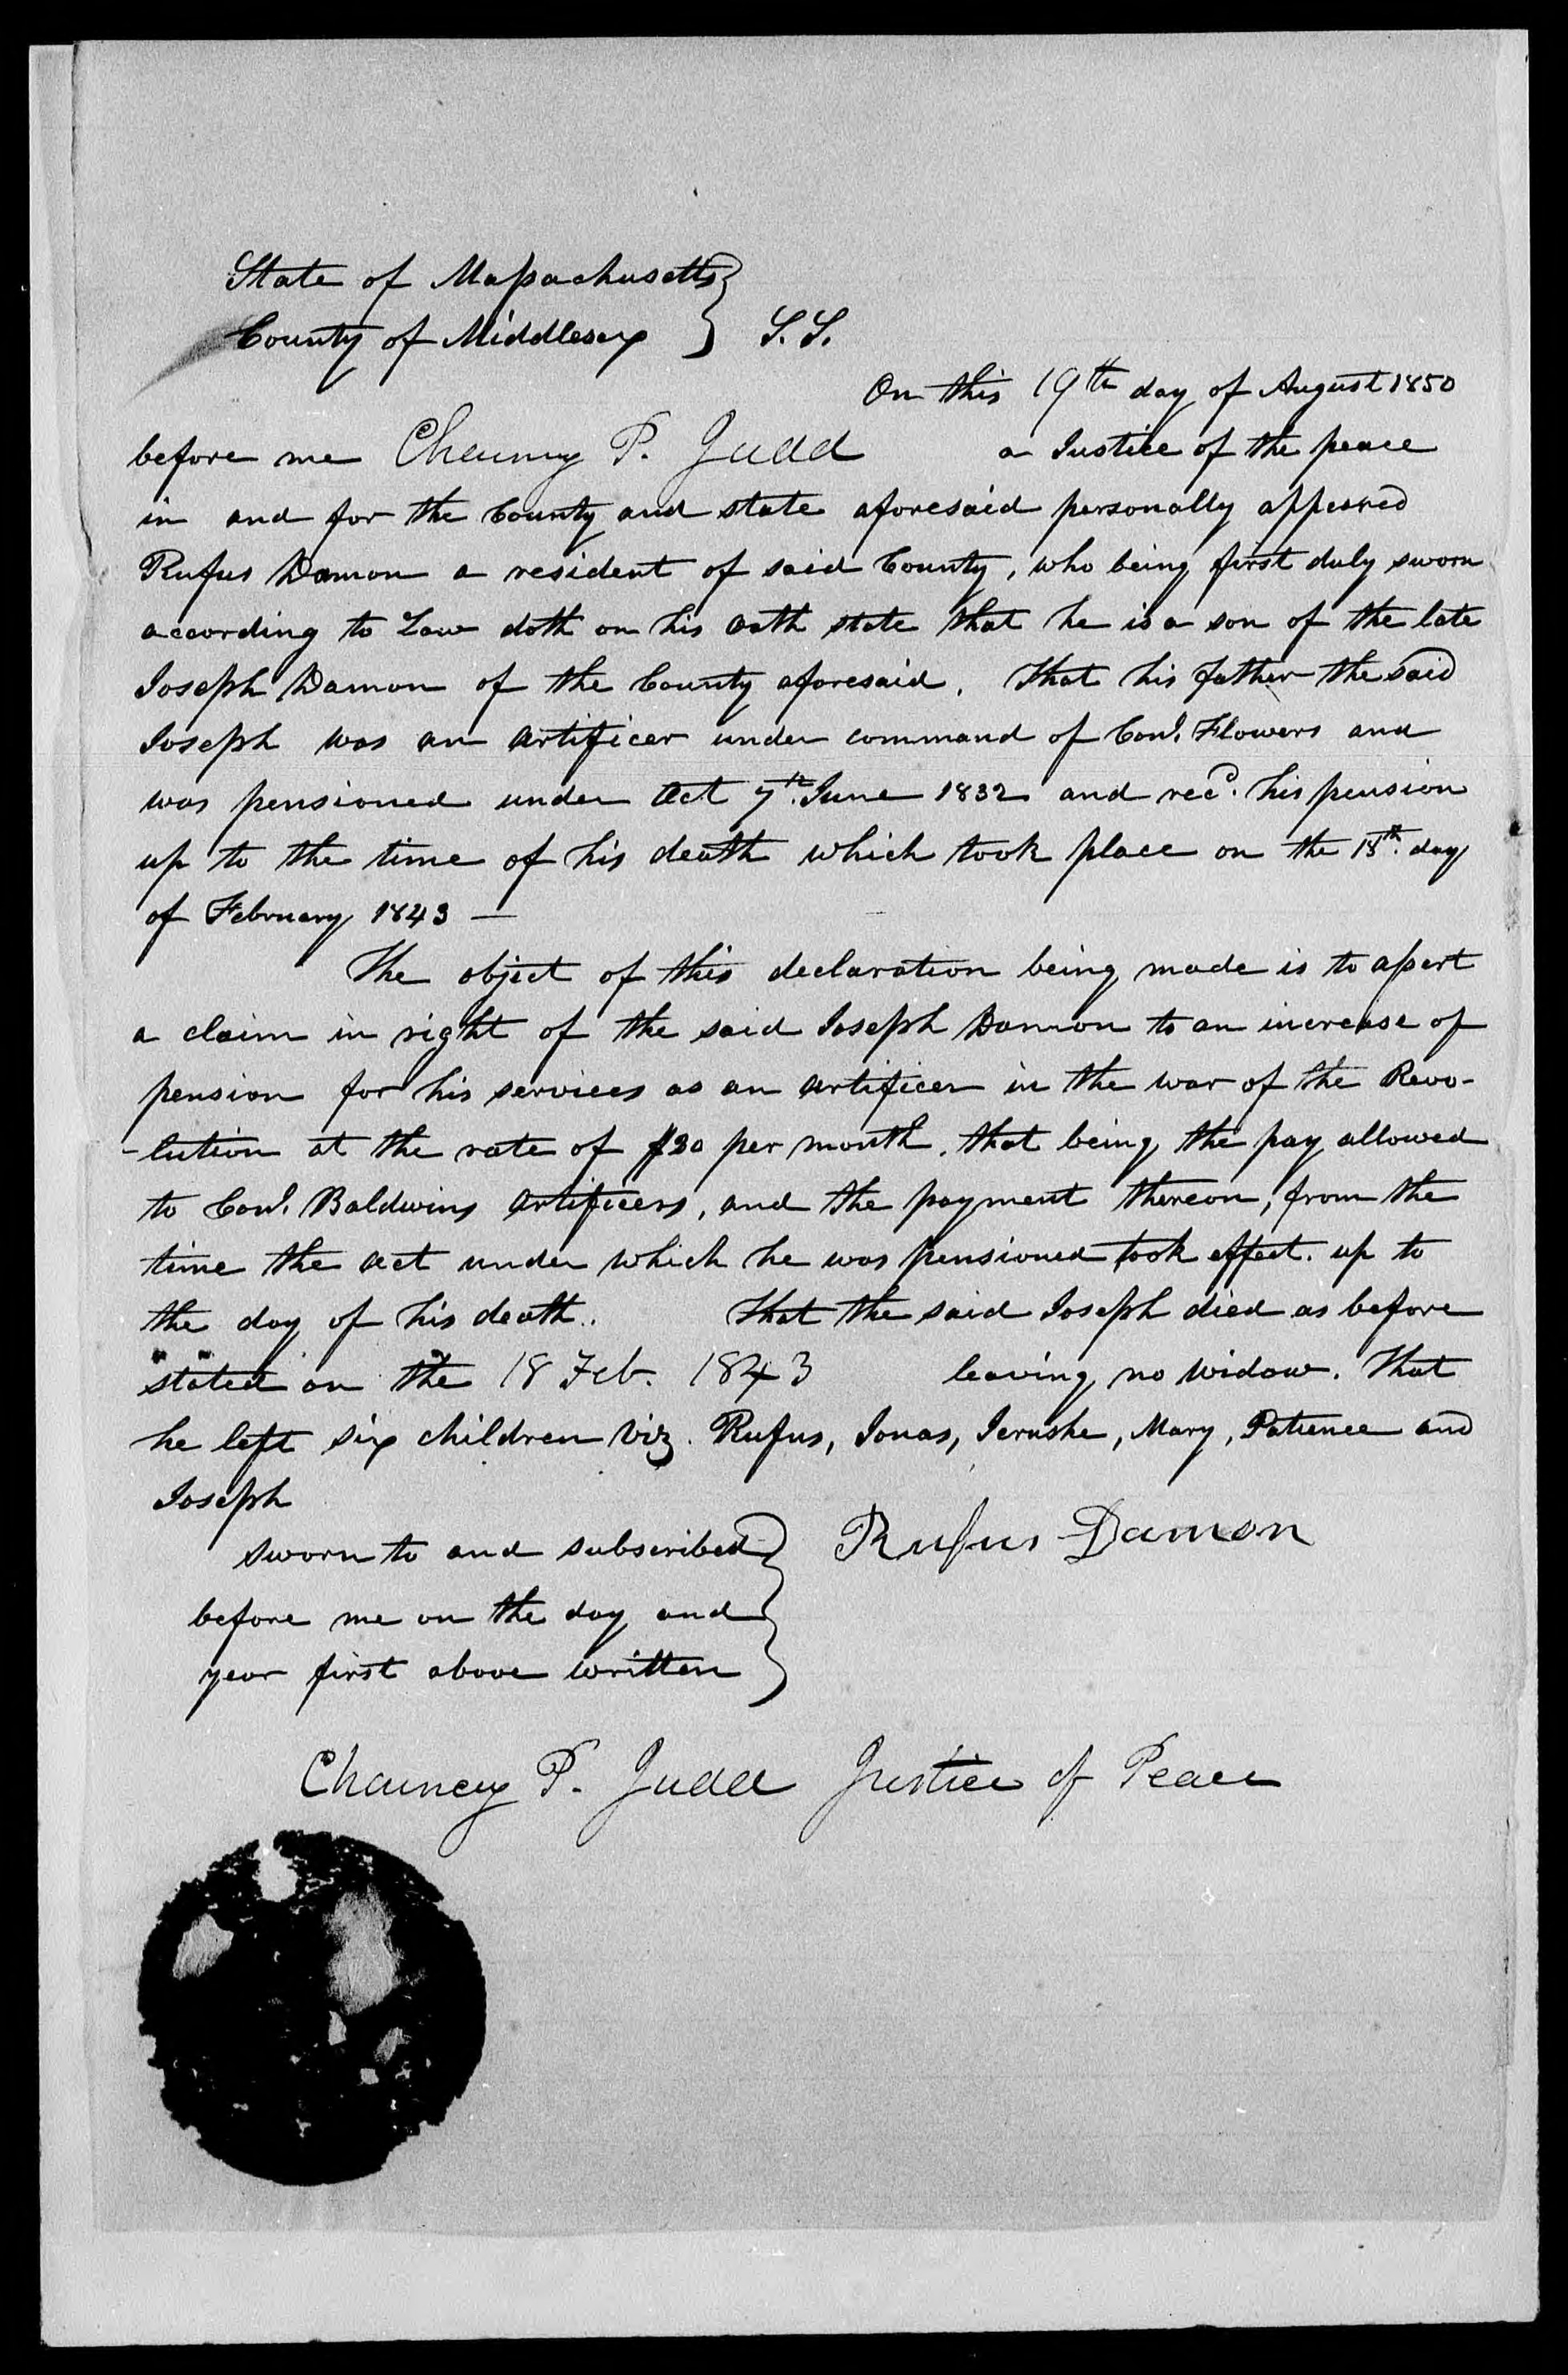State of Massachusetts
County of Middlesex } ss.
On this 19th day of August 1850
before me Chauncy P. Judd a Justice of the peace in and for the County and state aforesaid personally appeared Rufus Damon a resident of said County, who being first duly sworn according to Law doth on his oath state that he is a son of the late Joseph Damon of the County aforesaid. That his Father the said Joseph was an Artificer under command of Col. Flowers and was pensioned under Act 7th June 1832 and rec'd his pension up to the time of his death which took place on the 18th day of February 1843 -

The object of this declaration being made is to assert a claim in sight of the said Joseph Damon to an increase of pension for his services as an Artificer in the war of the Revolution at the rate of $30 per month that being the pay allowed to Col. Baldwin's Artificers, and the payment thereon, from the time the act under which he was pensioned took effect, up to the day of his death. That the said Joseph died as before stated on the 18 Feb. 1843 leaving no widow. That he left six children viz. Rufus, Jonas, Jerushe, Mary, Patience and Joseph
Rufus Damon

Sworn to and subscribed before me on the day and year first above written}
Chancy P. Judd  Justice of the Peace

[seal affixed]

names: Jonas, Chauncy P Judd, Patience, Rufus Damon, Rufus, Mary, Chaencey P Judd, Joseph, Rufus Damon, Joseph Damon, Joseph, Joseph, Joseph Damon, Jerusha, Flowers, Baldwin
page: 15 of 28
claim: survivor's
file: S. 17376, Joseph Damon, Continental Mass.